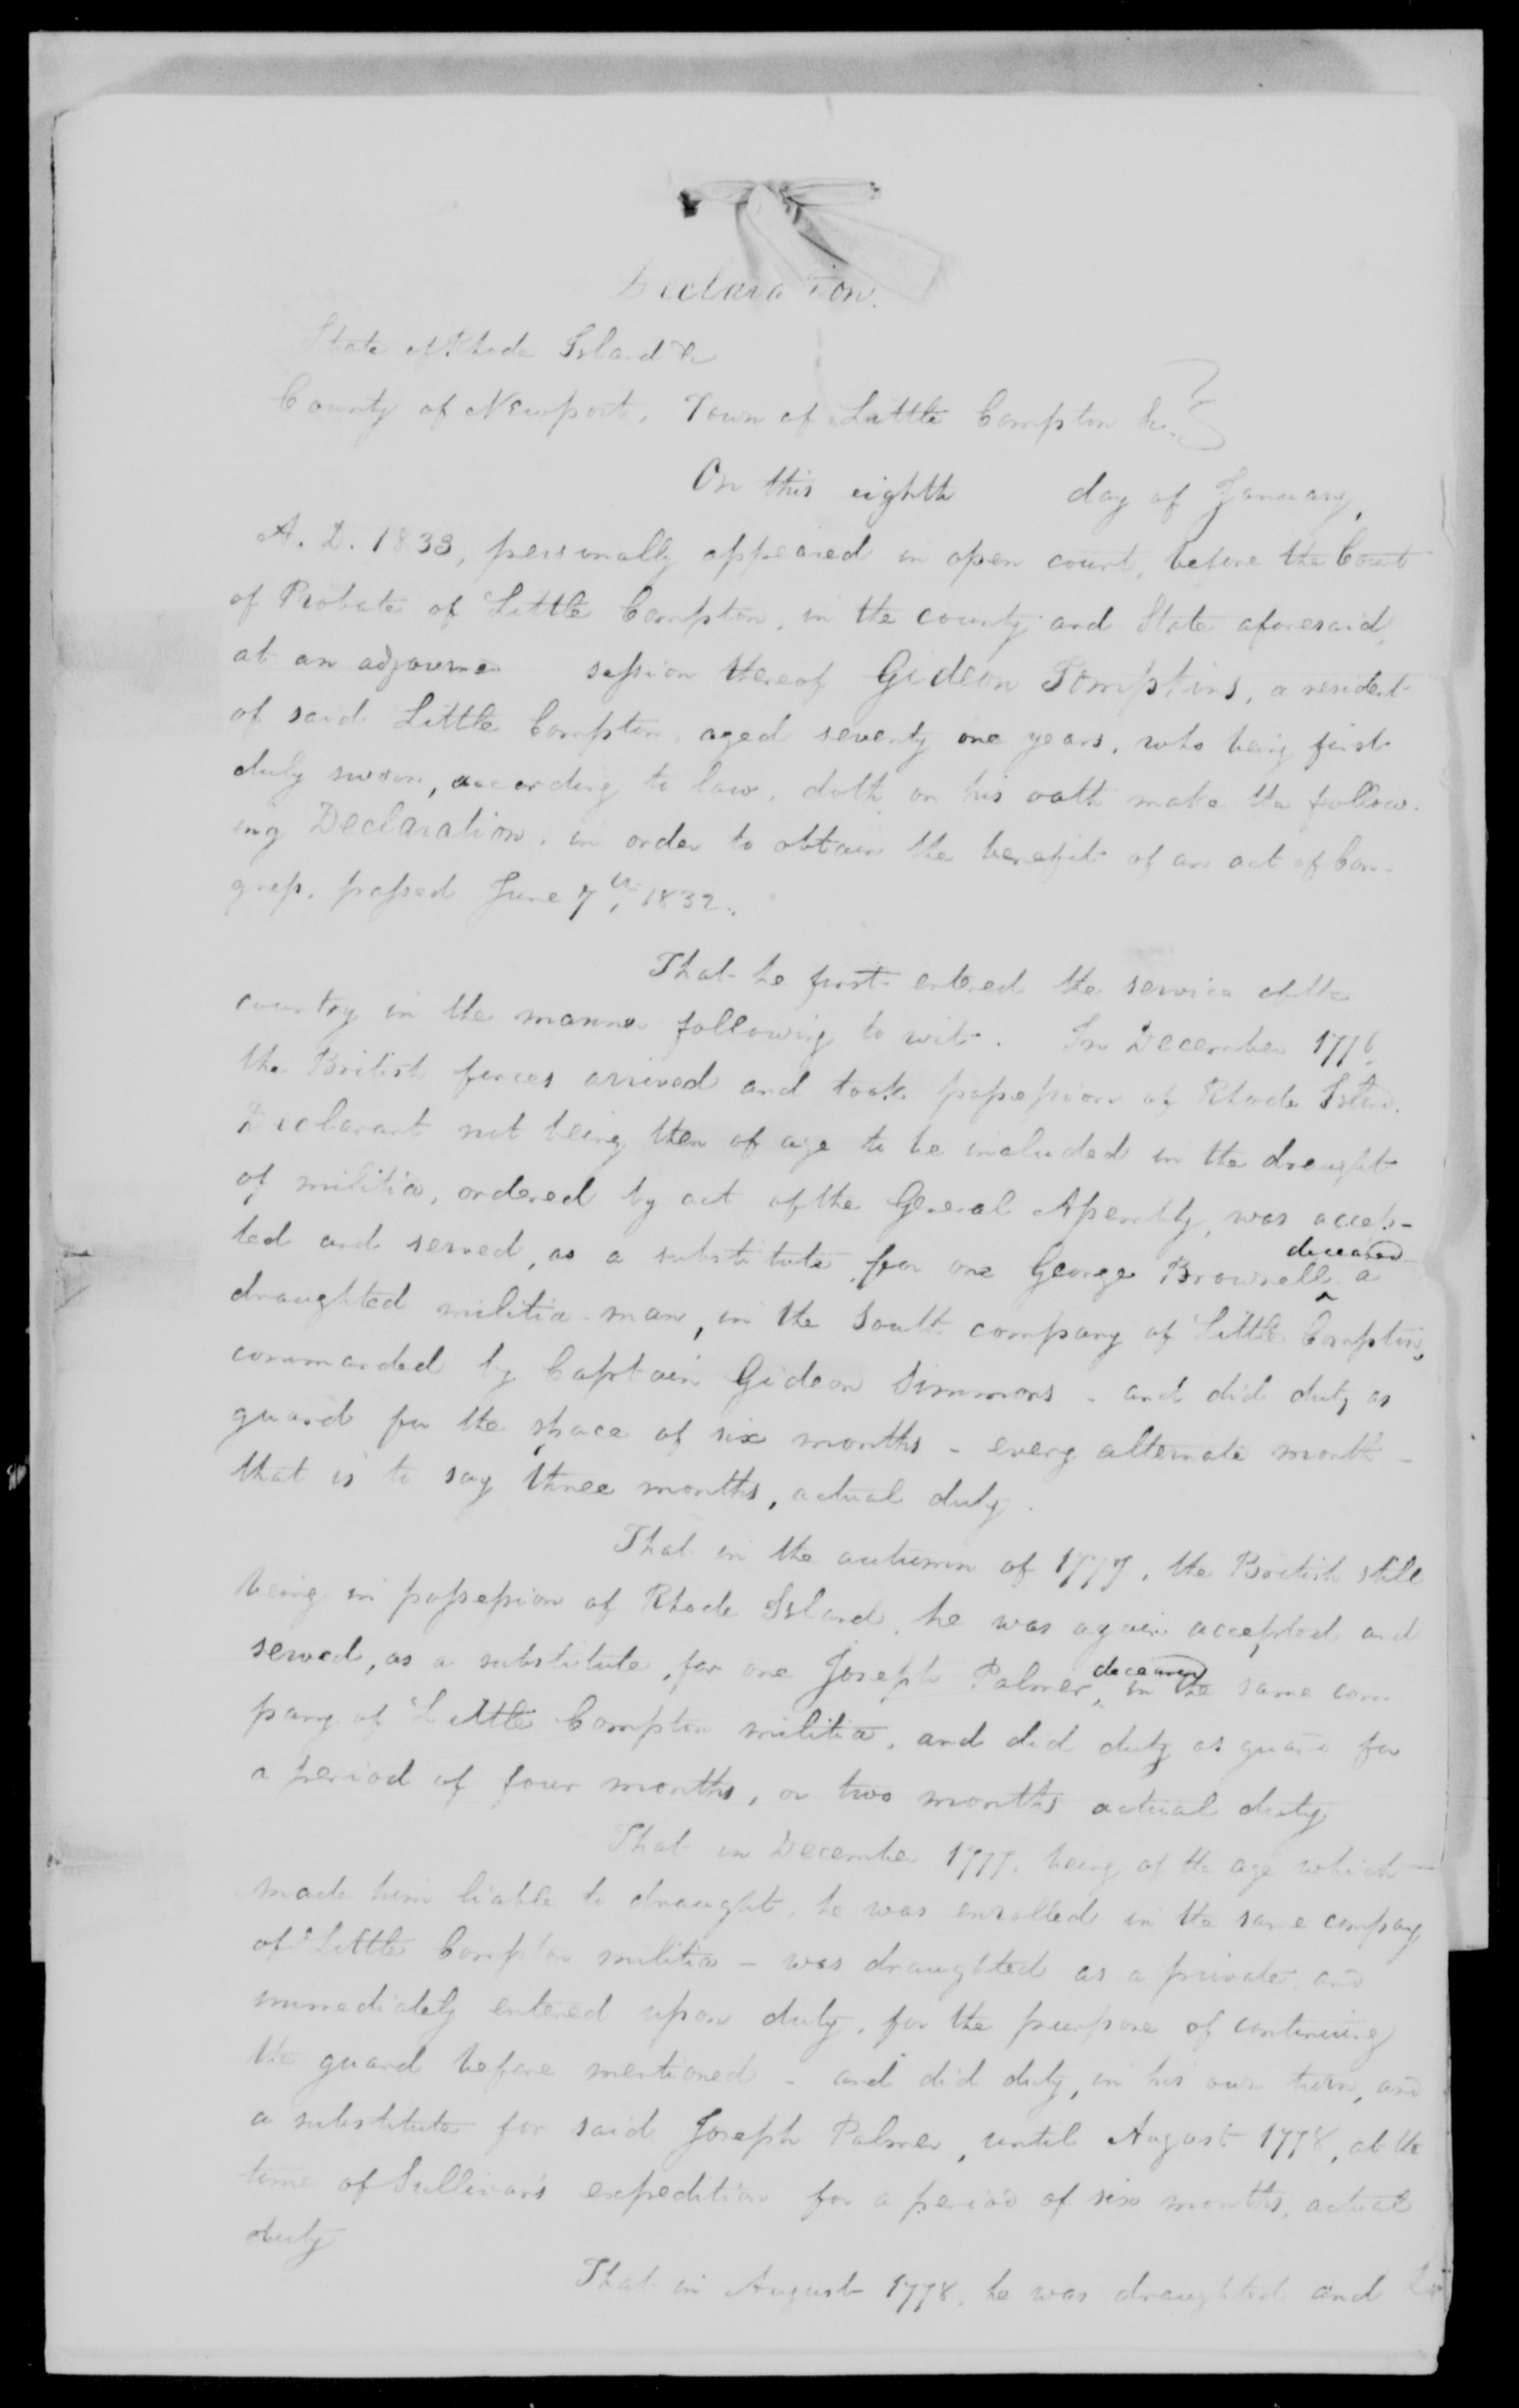Declaration
State Rhode Island
County of Newport, Town of Little Compton he
On this eighth day of January
A.D. 1833, personally appeared in open court, before the Court of Probate of Little Compton in the County and State aforesaid at an adjourned session thereof Gideon Tompkins, a resident of said Little Compton, aged seventy one years, who being first duly sworn, according to law, doth on his oath make the following declaration, in order to obtain the benefit of an act of Congress, passed June 7th 1832.

That he first entered the service of the country in the manner following to with. In December 1776 the British forces arrived and took possession of Rhode Island. Declarant not being then of age to be included in the draught of militia, ordered by act of the Genl Assent, was accepted and served as a substitute for one George Brownell (deceased)
a draughted militia man, in the south company of Little Compton commanded by Captain Gideon Simmons, and did duty as guard for the space of six months-- every alternate month, that is to say three months, actual duty.

That in the autumn of 1777, the British still
being in possession of Rhode Island, he was again accepted and served, as a substitute for one Joseph Palmer (deceased) same company of Little Compton Militia, and did duty as guard for a period of four months, or two months actual duty.

That in December 1777, being of the age which
made him liable to draught, he was enrolled in the same company of Little Compton militia-- was draughted as a private and immediately entered upon duty, for the purpose of continuing the guard before mentioned, and did duty, in his own turn, and a substitute for said Joseph Palmer, until August 1778. at the
time of Sullivan's expedition for a period of six months, actual duty.

That in August 1778. he was drafted and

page: 5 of 25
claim: survivor's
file: S. 22,023, for Gideon Tompkins, Rhode Island